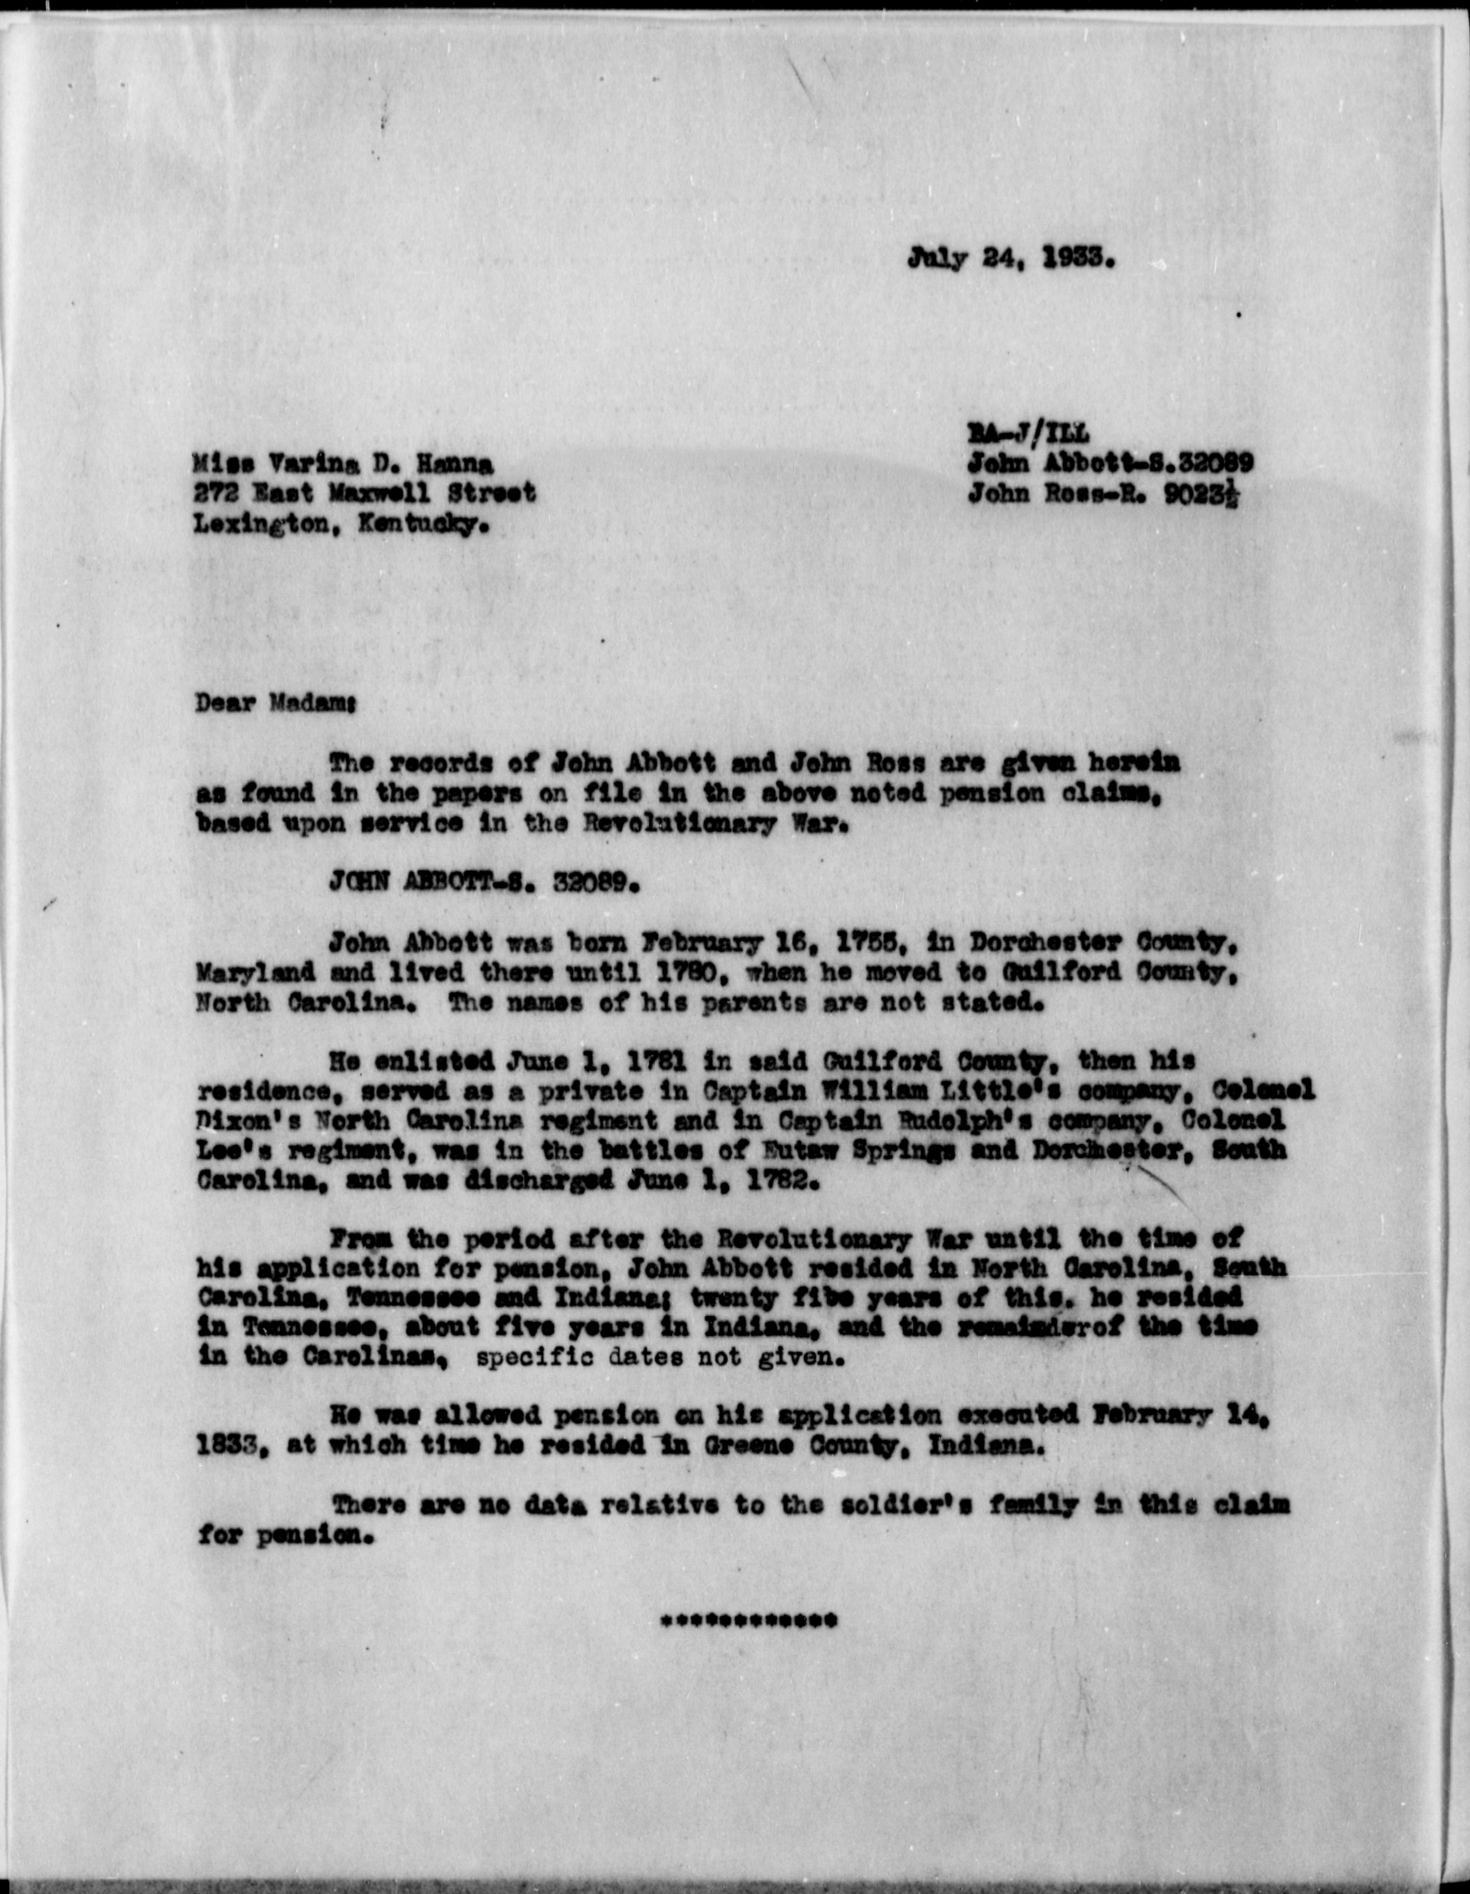Miss Varina D. Hanna
272 East Maxwell Street
Lexington, Kentucky.

July 24, 1933.
BA-J/ILL
John Abbott-S.32089
John Ross-R. 9023
Dear Madam:
The records of John Abbott and John Ross are given herein
as found in the papers on file in the above noted pension claims,
based upon service in the Revolutionary War.
JOHN ABBOTT-S. 32089.
John Abbott was born February 16, 1755, in Dorchester County,
Maryland and lived there until 1780, when he moved to Guilford County,
North Carolina. The names of his parents are not stated.
He enlisted June 1, 1781 in said Guilford County, then his
residence, served as a private in Captain William Little's company, Colonel
Dixon's North Carolina regiment and in Captain Rudolph's company, Colonel
Lee's regiment, was in the battles of Eutaw Springs and Dorchester, South Carolina
, and was discharged June 1, 1782.
From the period after the Revolutionary War until the time of
his application for pension, John Abbott resided in North Carolina, South Carolina, Tennessee and Indiana; twenty five years of this, he resided
in Tennessee, about five years in Indiana, and the remainder of the time
in the Carolinas, specific dates not given.
He was allowed pension on his application executed February 14,
1833, at which time he resided in Greene County, Indiana.
There are no data relative to the soldier's family in this claim
for pension.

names: John Abbott, Varina D Hanna, John Abbott, John Abbott, John Ross, John Ross, John Abbott, John Abbott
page: 33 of 35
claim: survivor's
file: S. 32089, John Abbott, Continental N. C.